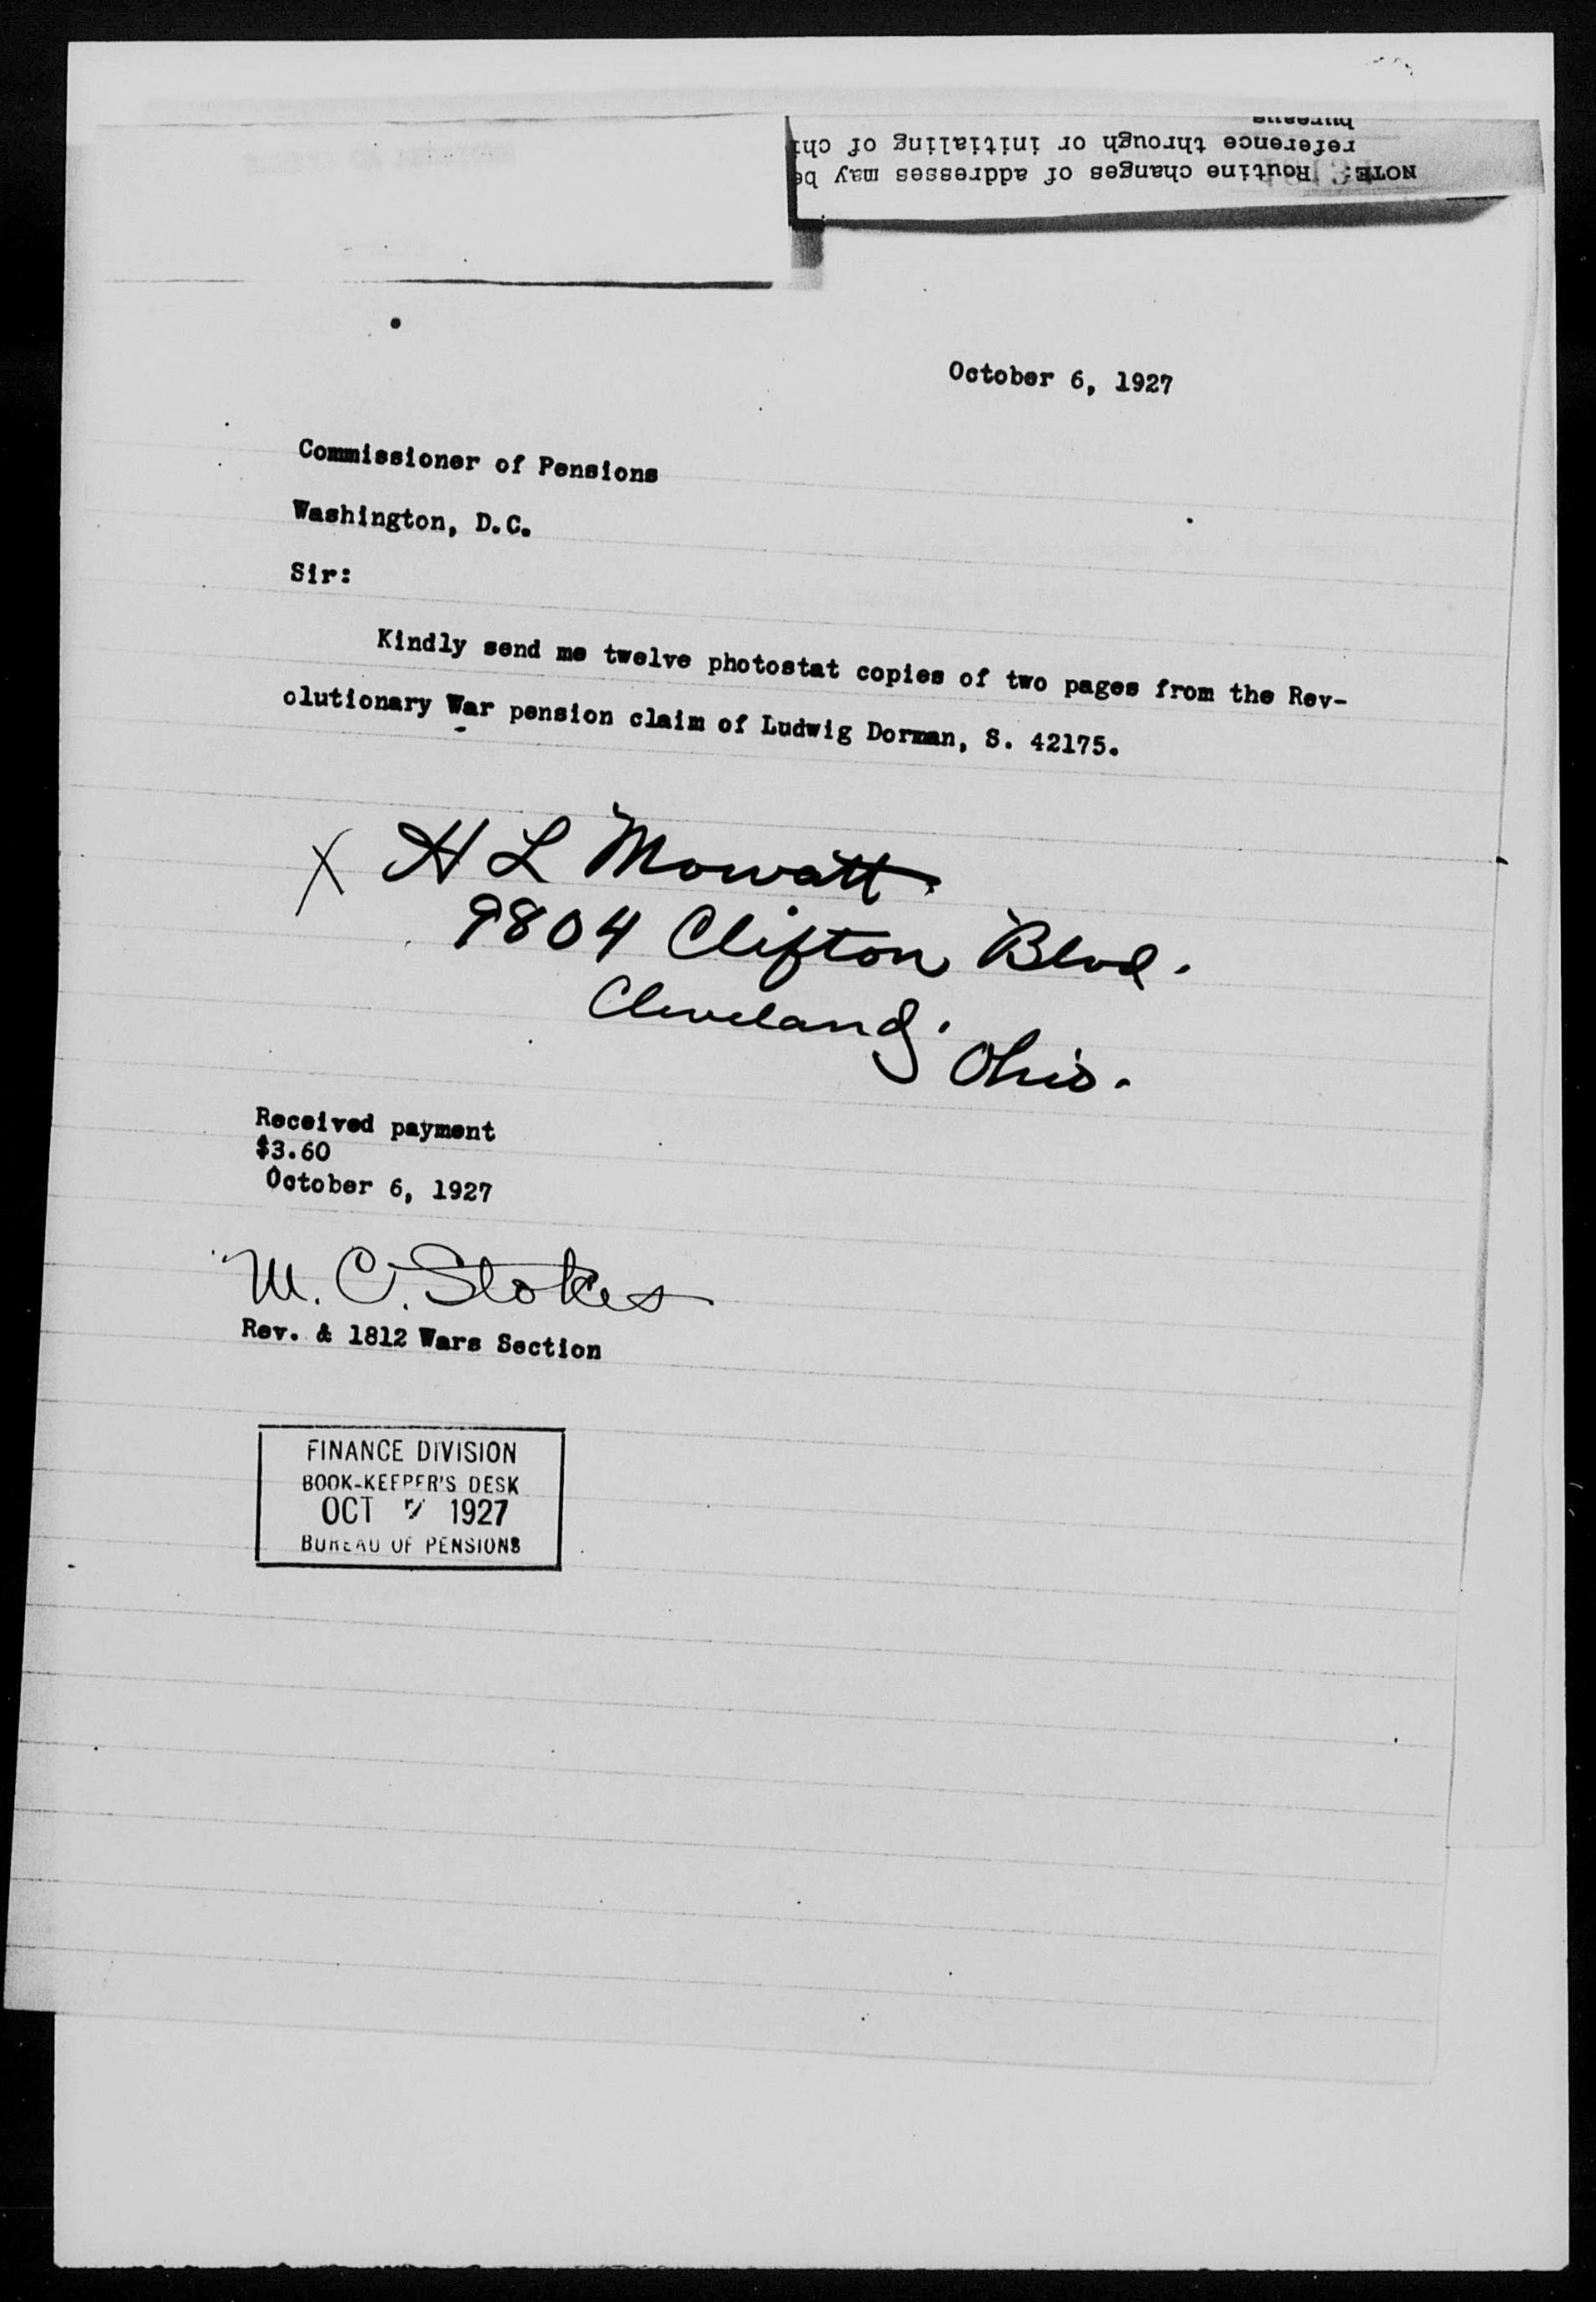Note: Routine changes of addresses may be
reference through or initialing of ch|

October 6, 1927
Commissioner of Pensions
Washington, D.C.
Sir:
Kindly send me twelve photostat copies of two pages from the Revolutionary War pension claim of Ludwig Dorman, S. 42175.

H L Mowatt
1804 Clifton Blood.
Cleveland, Ohio

Received payment
$3.60
October 6, 1927

M. C. Stokes
Rev. & 1812 Wars Section

FINANCE DIVISION
BOOKKEEPER'S DESK
OCT 7 1927
BUREAU OF PENSIONS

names: M C Stokes, H L Mowatt, Ludwig Dorman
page: 11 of 16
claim: survivor's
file: S. 42,175, Ludwig Dorman, Penn.